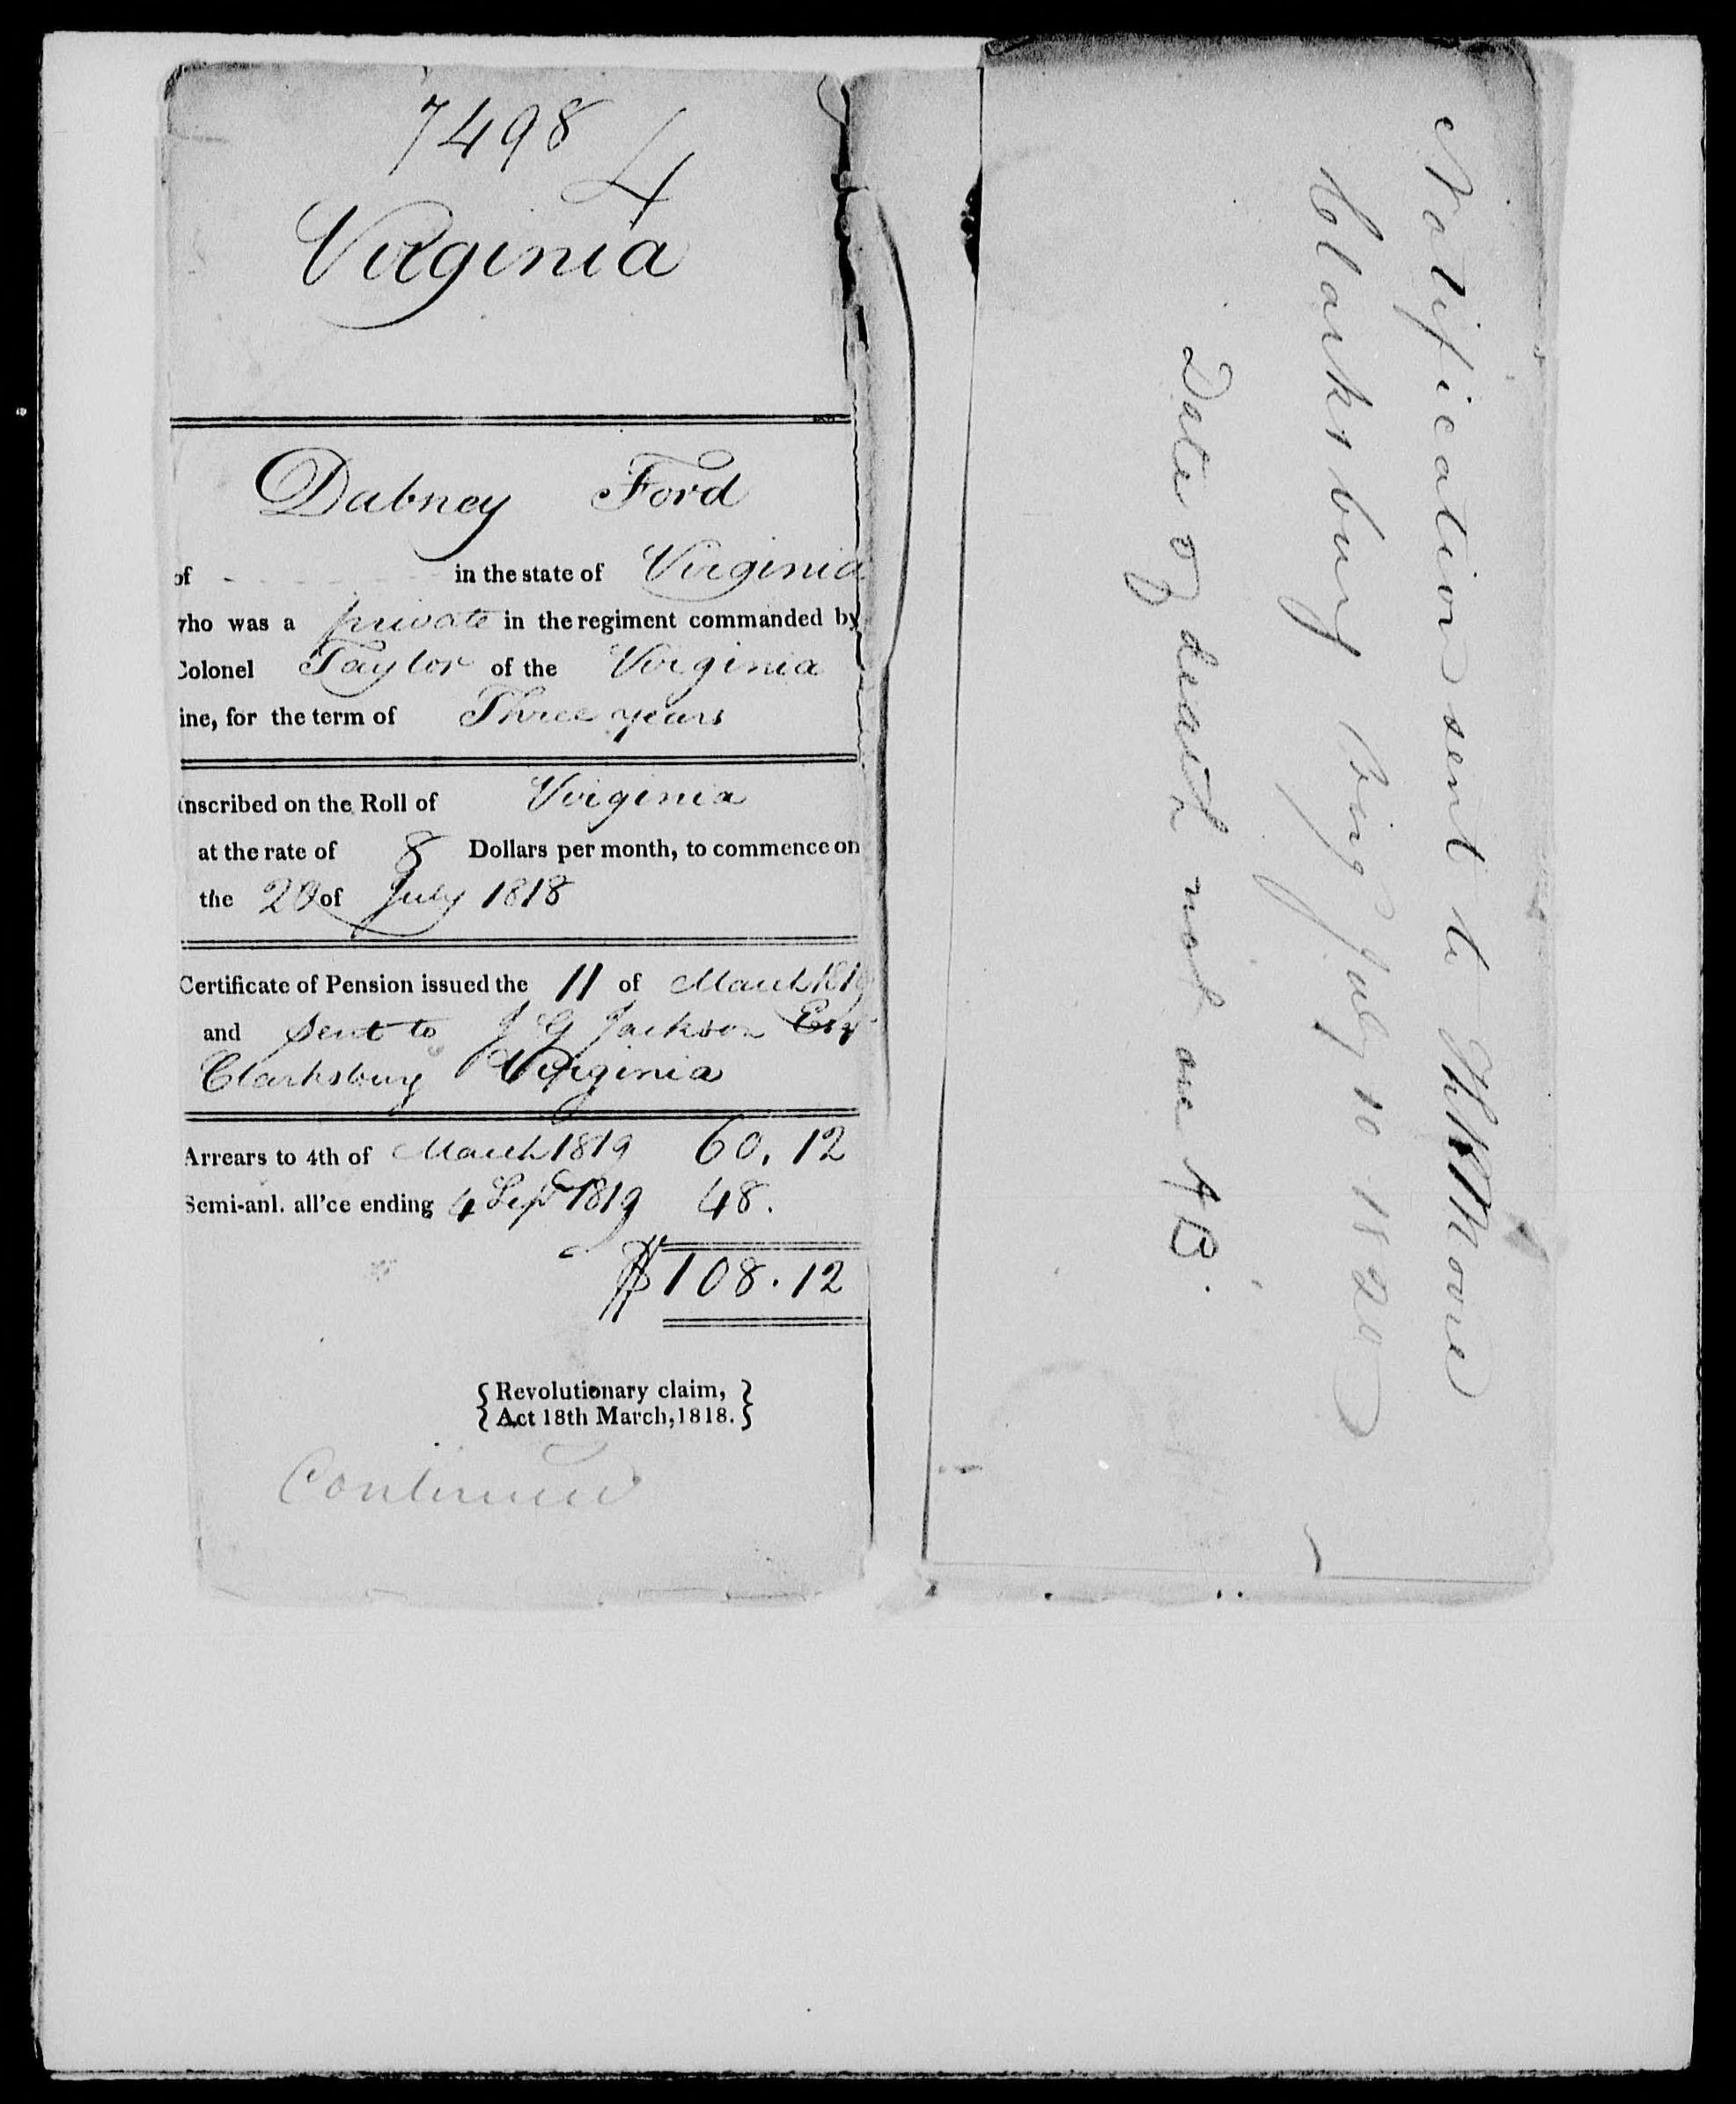[left side of page]    
                             7498
                                           4             
                               Virginia
____________________________________________________
                              Dabney Ford
of -------in the state of Virginia
who was a private in the regiment commanded by
Colonel Taylor of the Virginia
line, for the term of Three years
______________________________________________________
Inscribed on the Roll of Virginia
at the rate of  8  Dollars per month, to commence on
the 20 of July 1818
_______________________________________________________
Certificate of Pension issued the 11 of March 1819
  and sent to J G Jackson Esq.
  Clarksburg Virginia
_______________________________________________________
Arrears to 4t of March 1819                    60.12
Semi-anl. all'ce ending  3 Sep 1819         48
                                                                _________
                                                               $108.12
                                                                __________

                                  {Revolutionary claim,    }
                                  {AAct 18th March, 1818}

continued
[right side of page written perpendicular]

Notification sent to Th. H Moore
Clarksburg Virg July 10 1820
Date of death not on  AB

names: Taylor, Dabney Ford, J G Jackson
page: 3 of 11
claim: survivor's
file: S. 39531, Dabney Ford, Va.